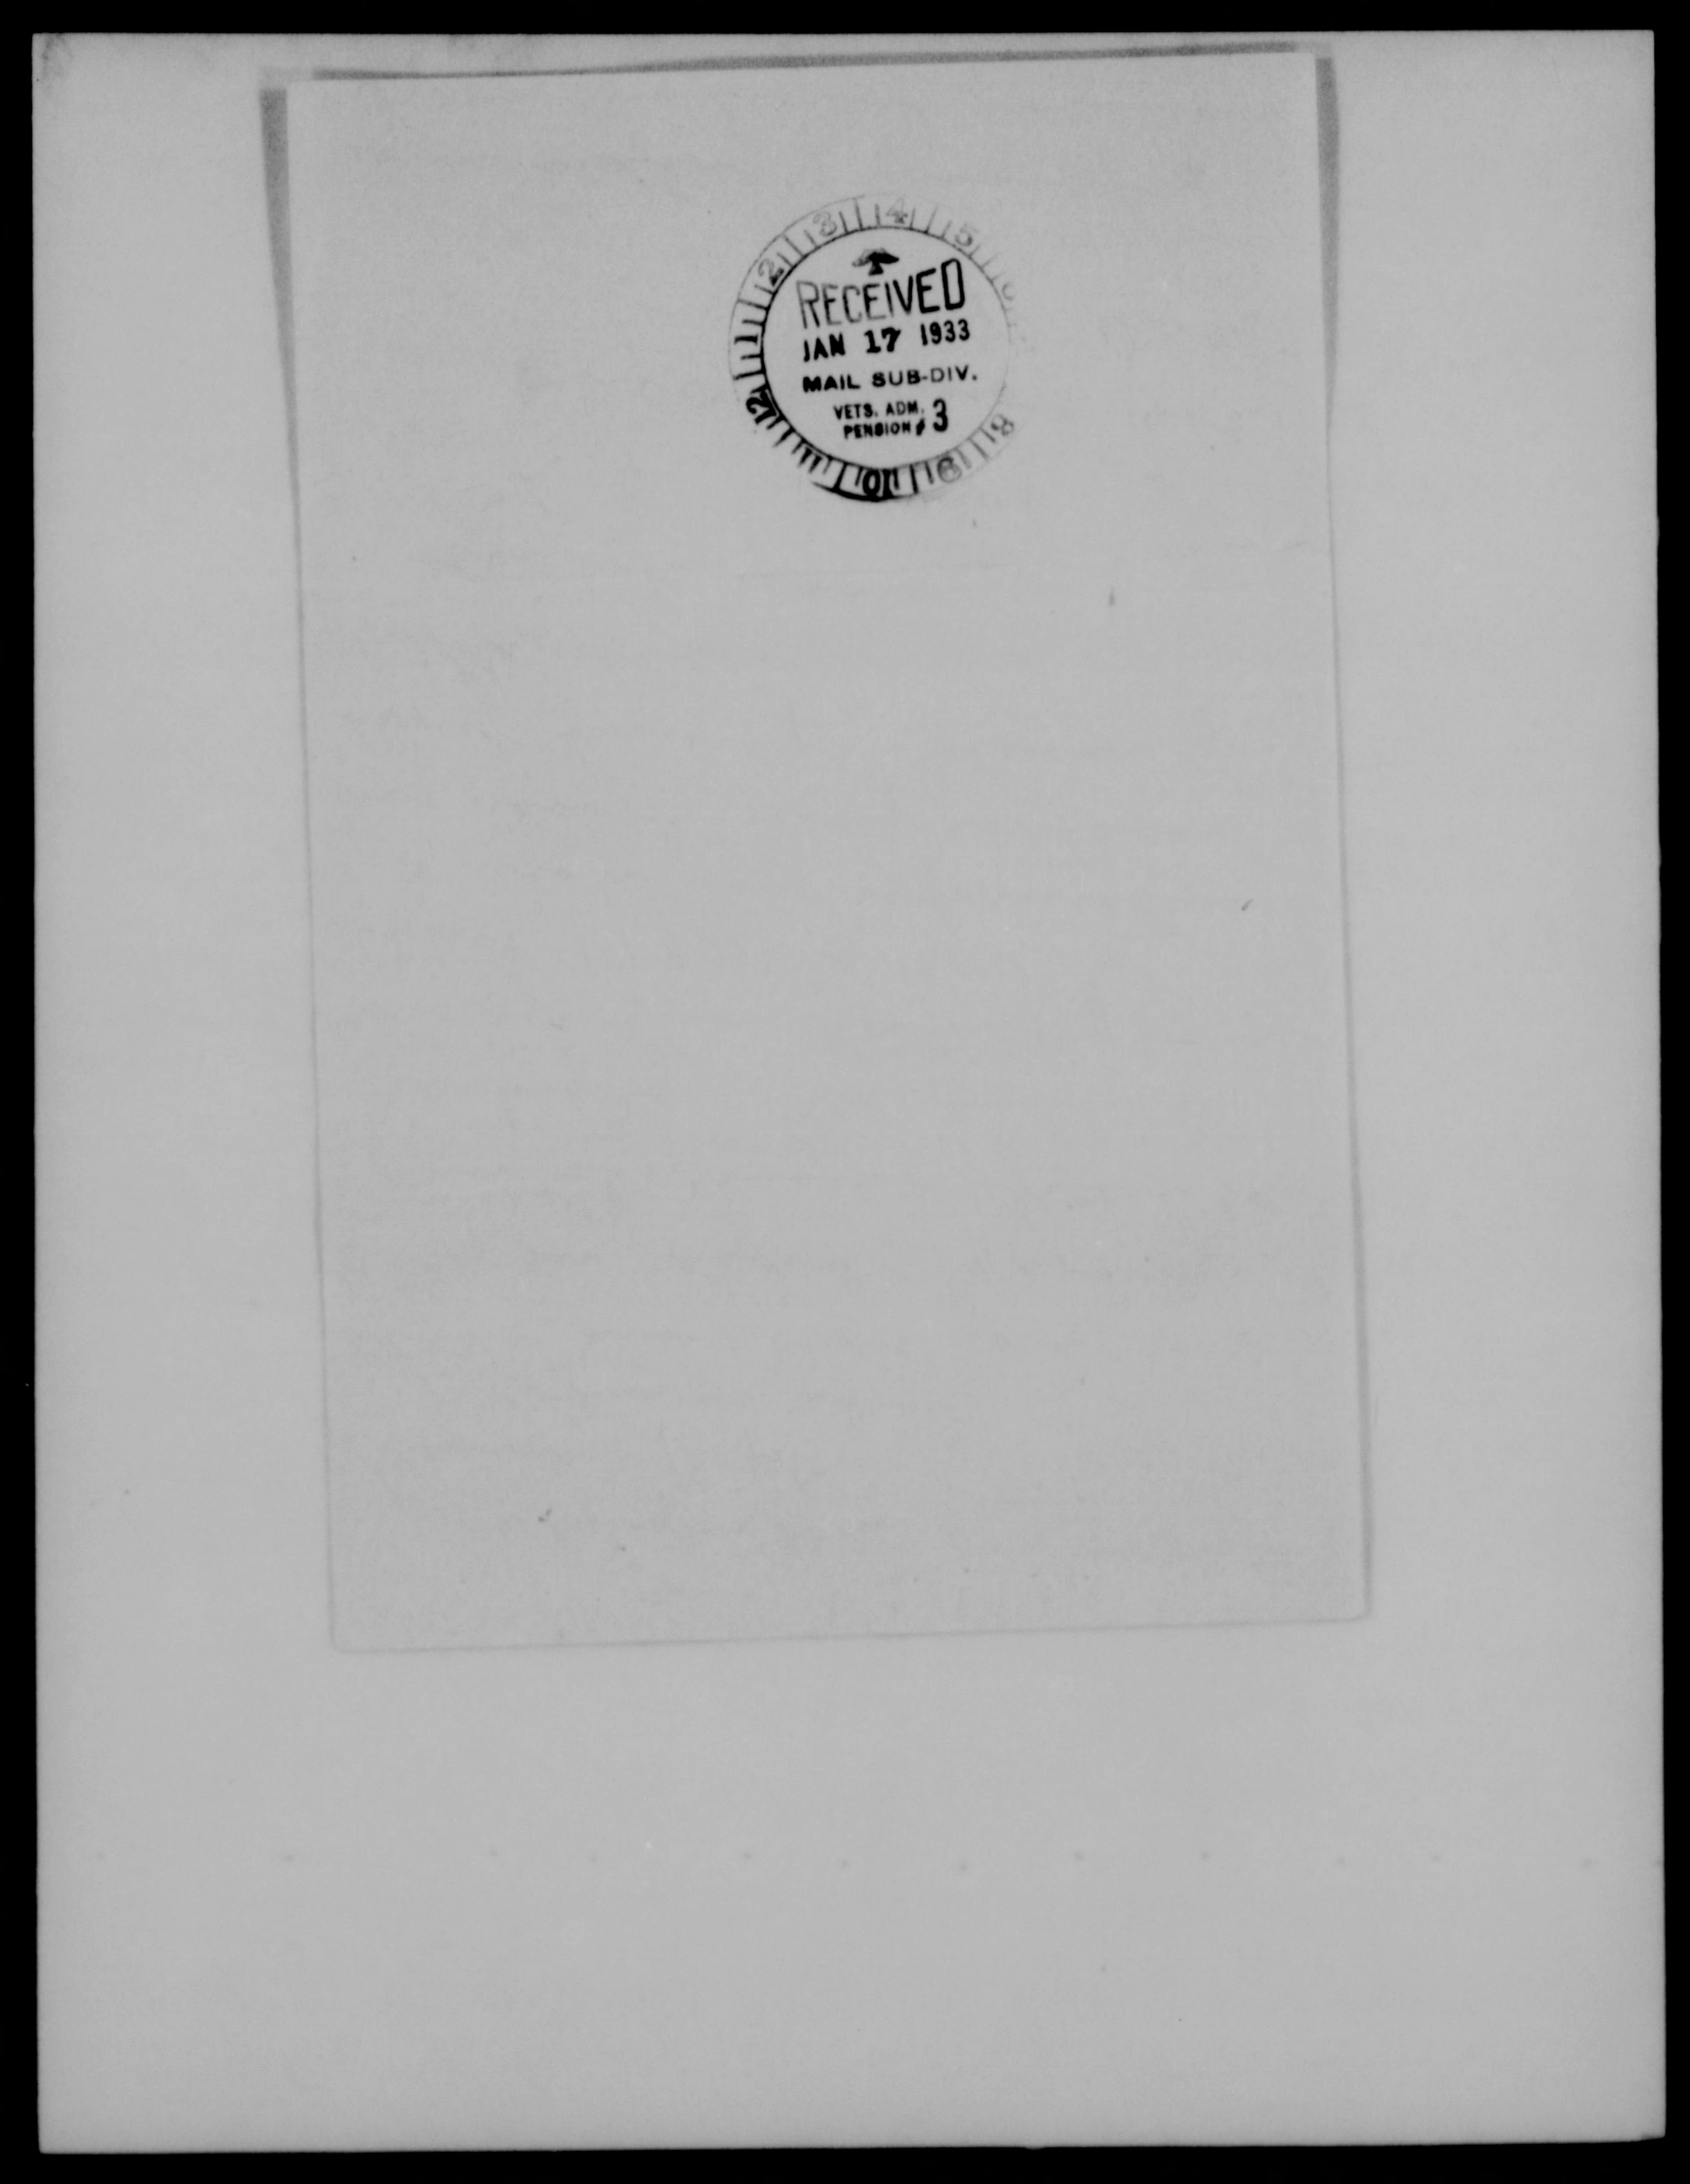(post mark ) [ RECEIVED JAN 17 1933 MAIL SUB-DIV VETS. ADM. PENSION  #3]  3:45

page: 41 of 53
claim: widow's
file: W. 6,267, for John Thurman, Georgia